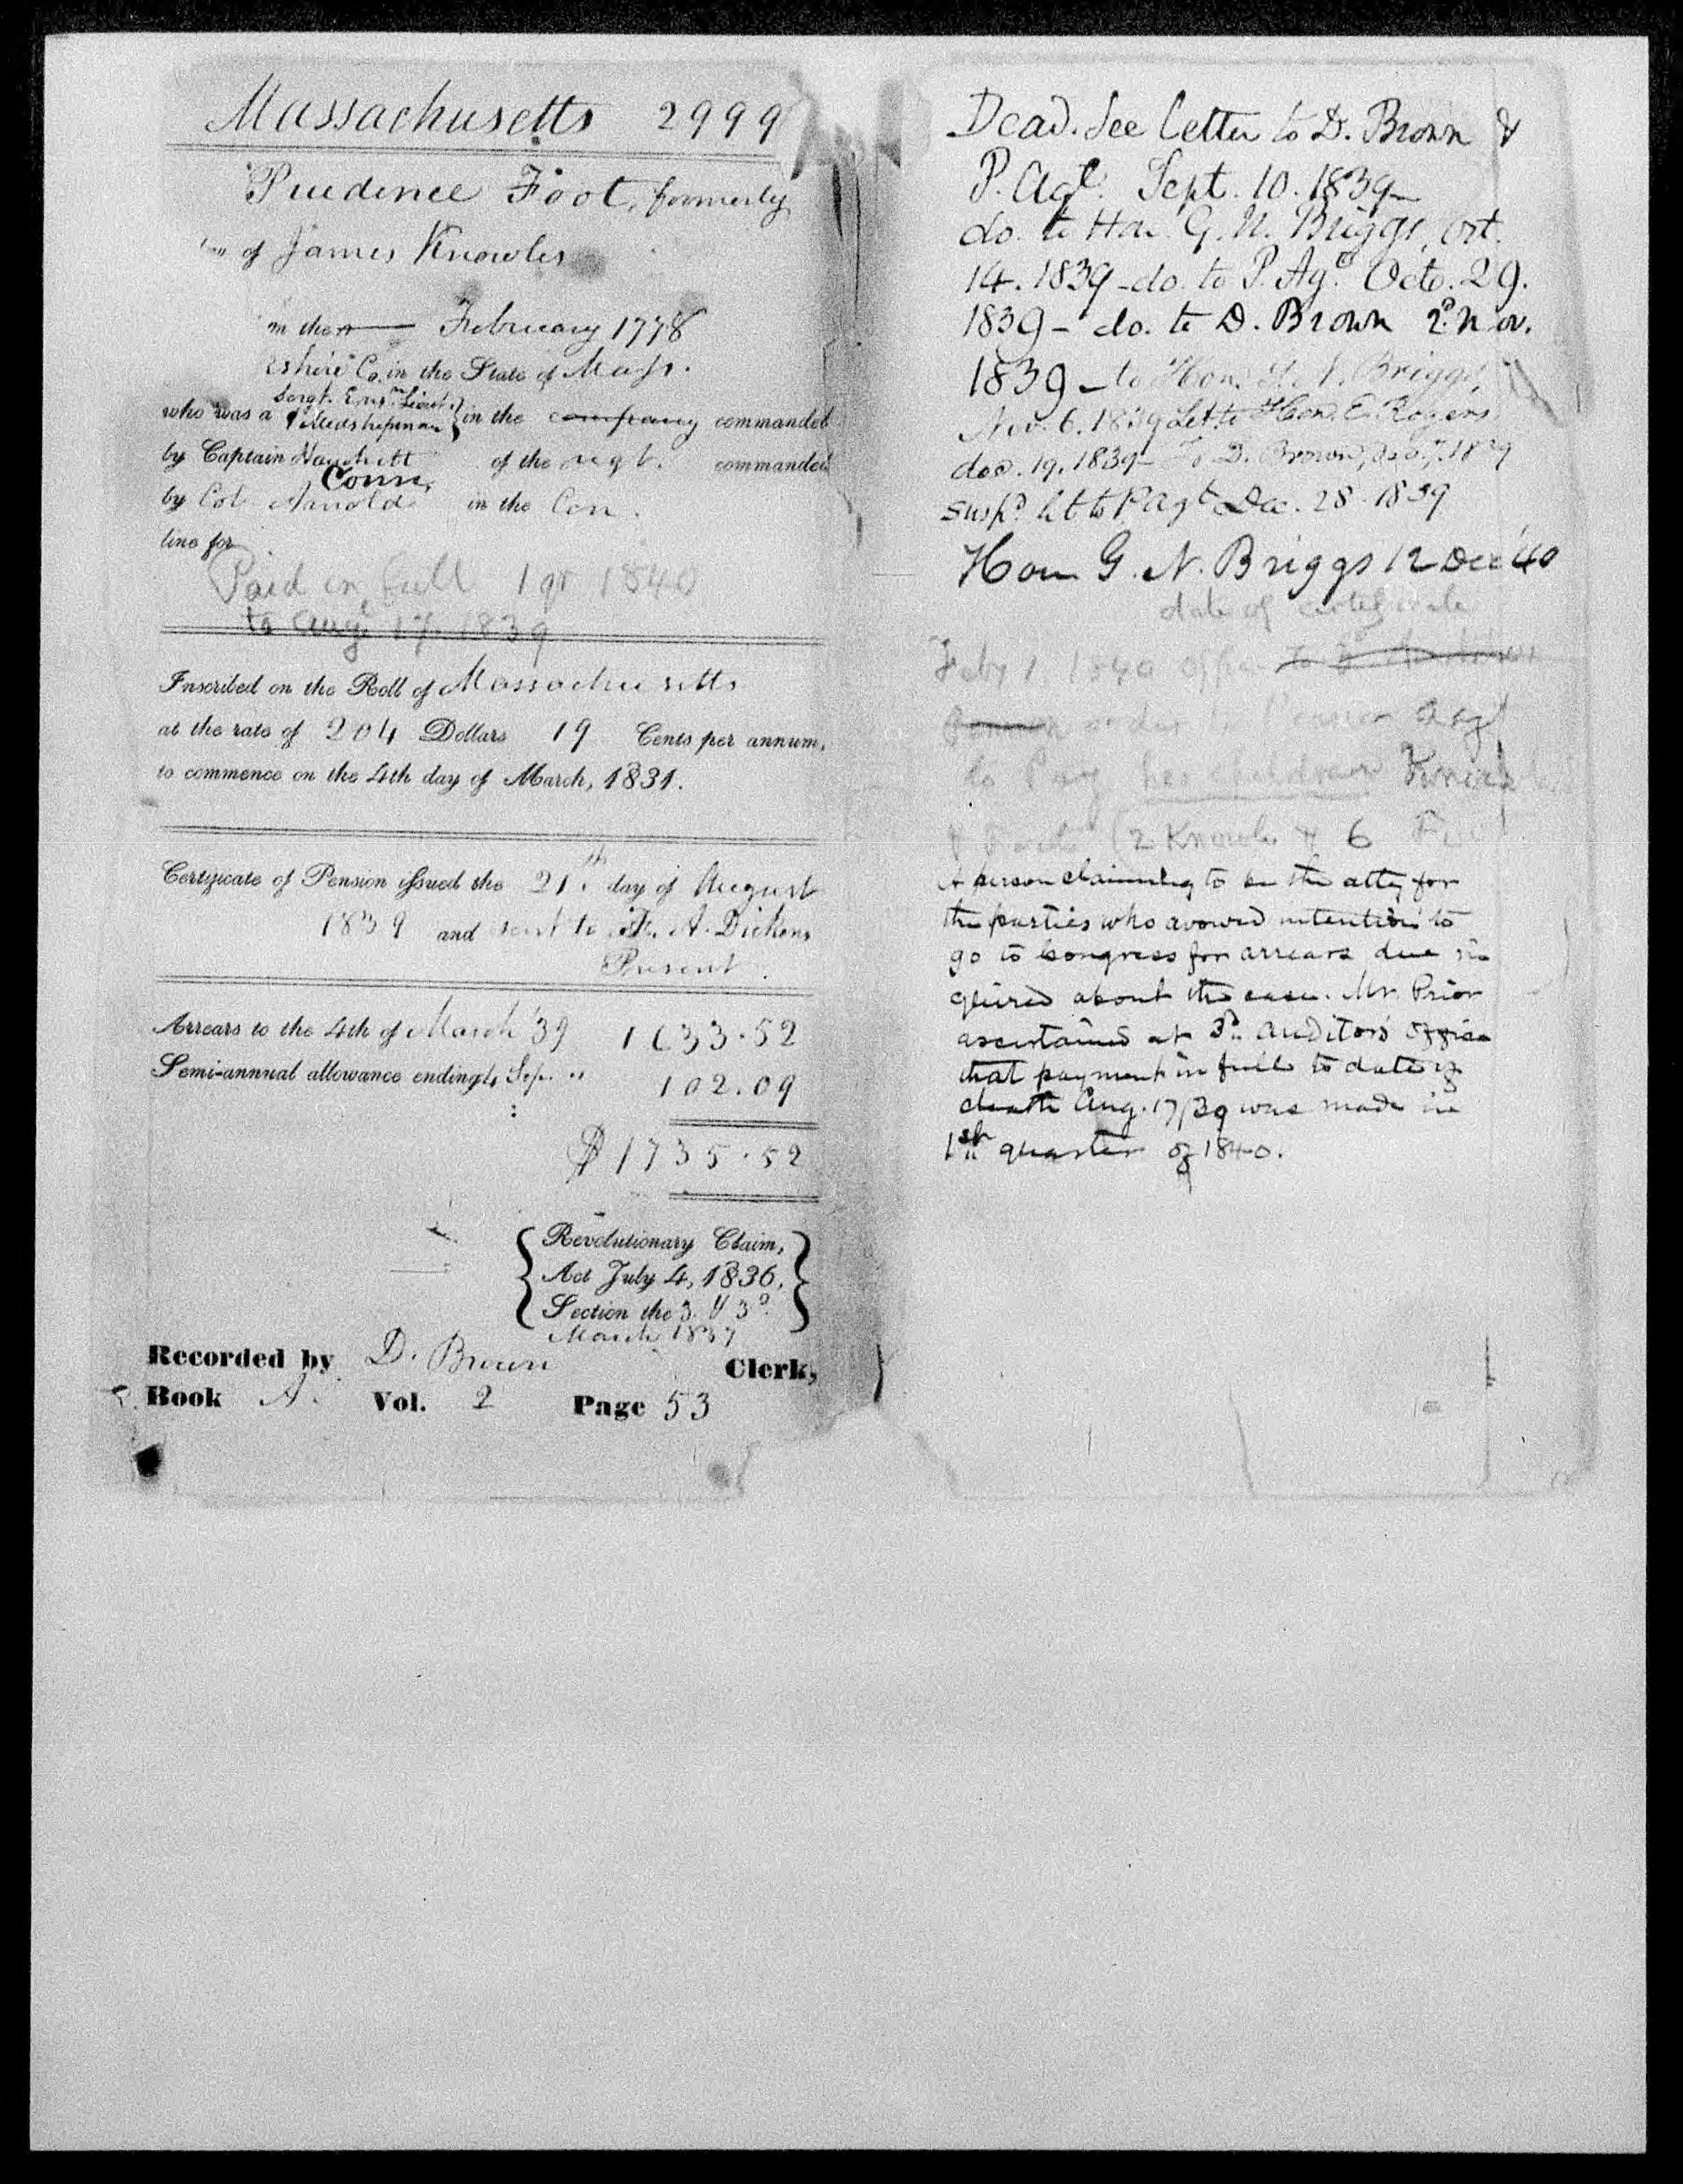Massachusetts 2999
Prudence Foot, formerly
widow of James Knowles
(missing) m the February 1778
(missing) shire Co. in the State of Mass.
(illegible name) Sargt who was a midshipman} in the commanded by Captain Hanchett of the regt. commanded by Col. Arnold Conn, in the Con. line for
Paid in full 1 Ap 1840 to Aug 17, 1839

Inscribed on the Roll of Massachusetts
at the rate of 204 Dollars 19 Cents per annum,
to commence on the 4th day of March 1831.

Certificate of Pension issued the 21st day of August 1839 and sent to F. A. Dickens   Present.

Arrears to the 4th of March '39   1633.52
Semi-annual allowance ending 4 Sep. 102.09
$1735.52
Revolutionary Claim, Act July 4, 1836, Section the 3. Y. 3
March 1837
Recorded by D. Brown   Clerk
Book A.    Vol. 2    Page 53

Dead. See letter to D. Brown
P. Agt. Sept. 10 1839
do to Hon. G. N. Briggs, crt.
14.1839-do. to P. Agt. Oct 29.
1839-do  to D. Brown 2d Nov.
1839- to Hon G. N. Briggs
Nov. 6. 1839 Let. to Hon G. Rogers
dec. 19. 1839- toD. Brown, ded7. 1839
shipd. let to Payt Dec.  28. 1839
Hon G. N. Briggs 12 Dec '40
date of certificate
Feby 1 1840 office order to Pension Agt.to pay his children Knowles (illegible words)
2 # 6 
A person claiming to be the atty for the parties who avowed intention to go to Congress for arrears due enquired about the case. Mr. Prior ascertained at 3d auditor's office that payment in full to day of death Aug. 17 '39 was made in 1st quarter of 1840.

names: E Rogers; F A Dickens; G N Briggs; James Knowles; [BLANK] Arnold; [BLANK] Prior; Prudence Foot; [BLANK] Hanchett; D Brown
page: 2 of 60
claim: widow's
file: W. 14,036, for James Knowles, Connecticut